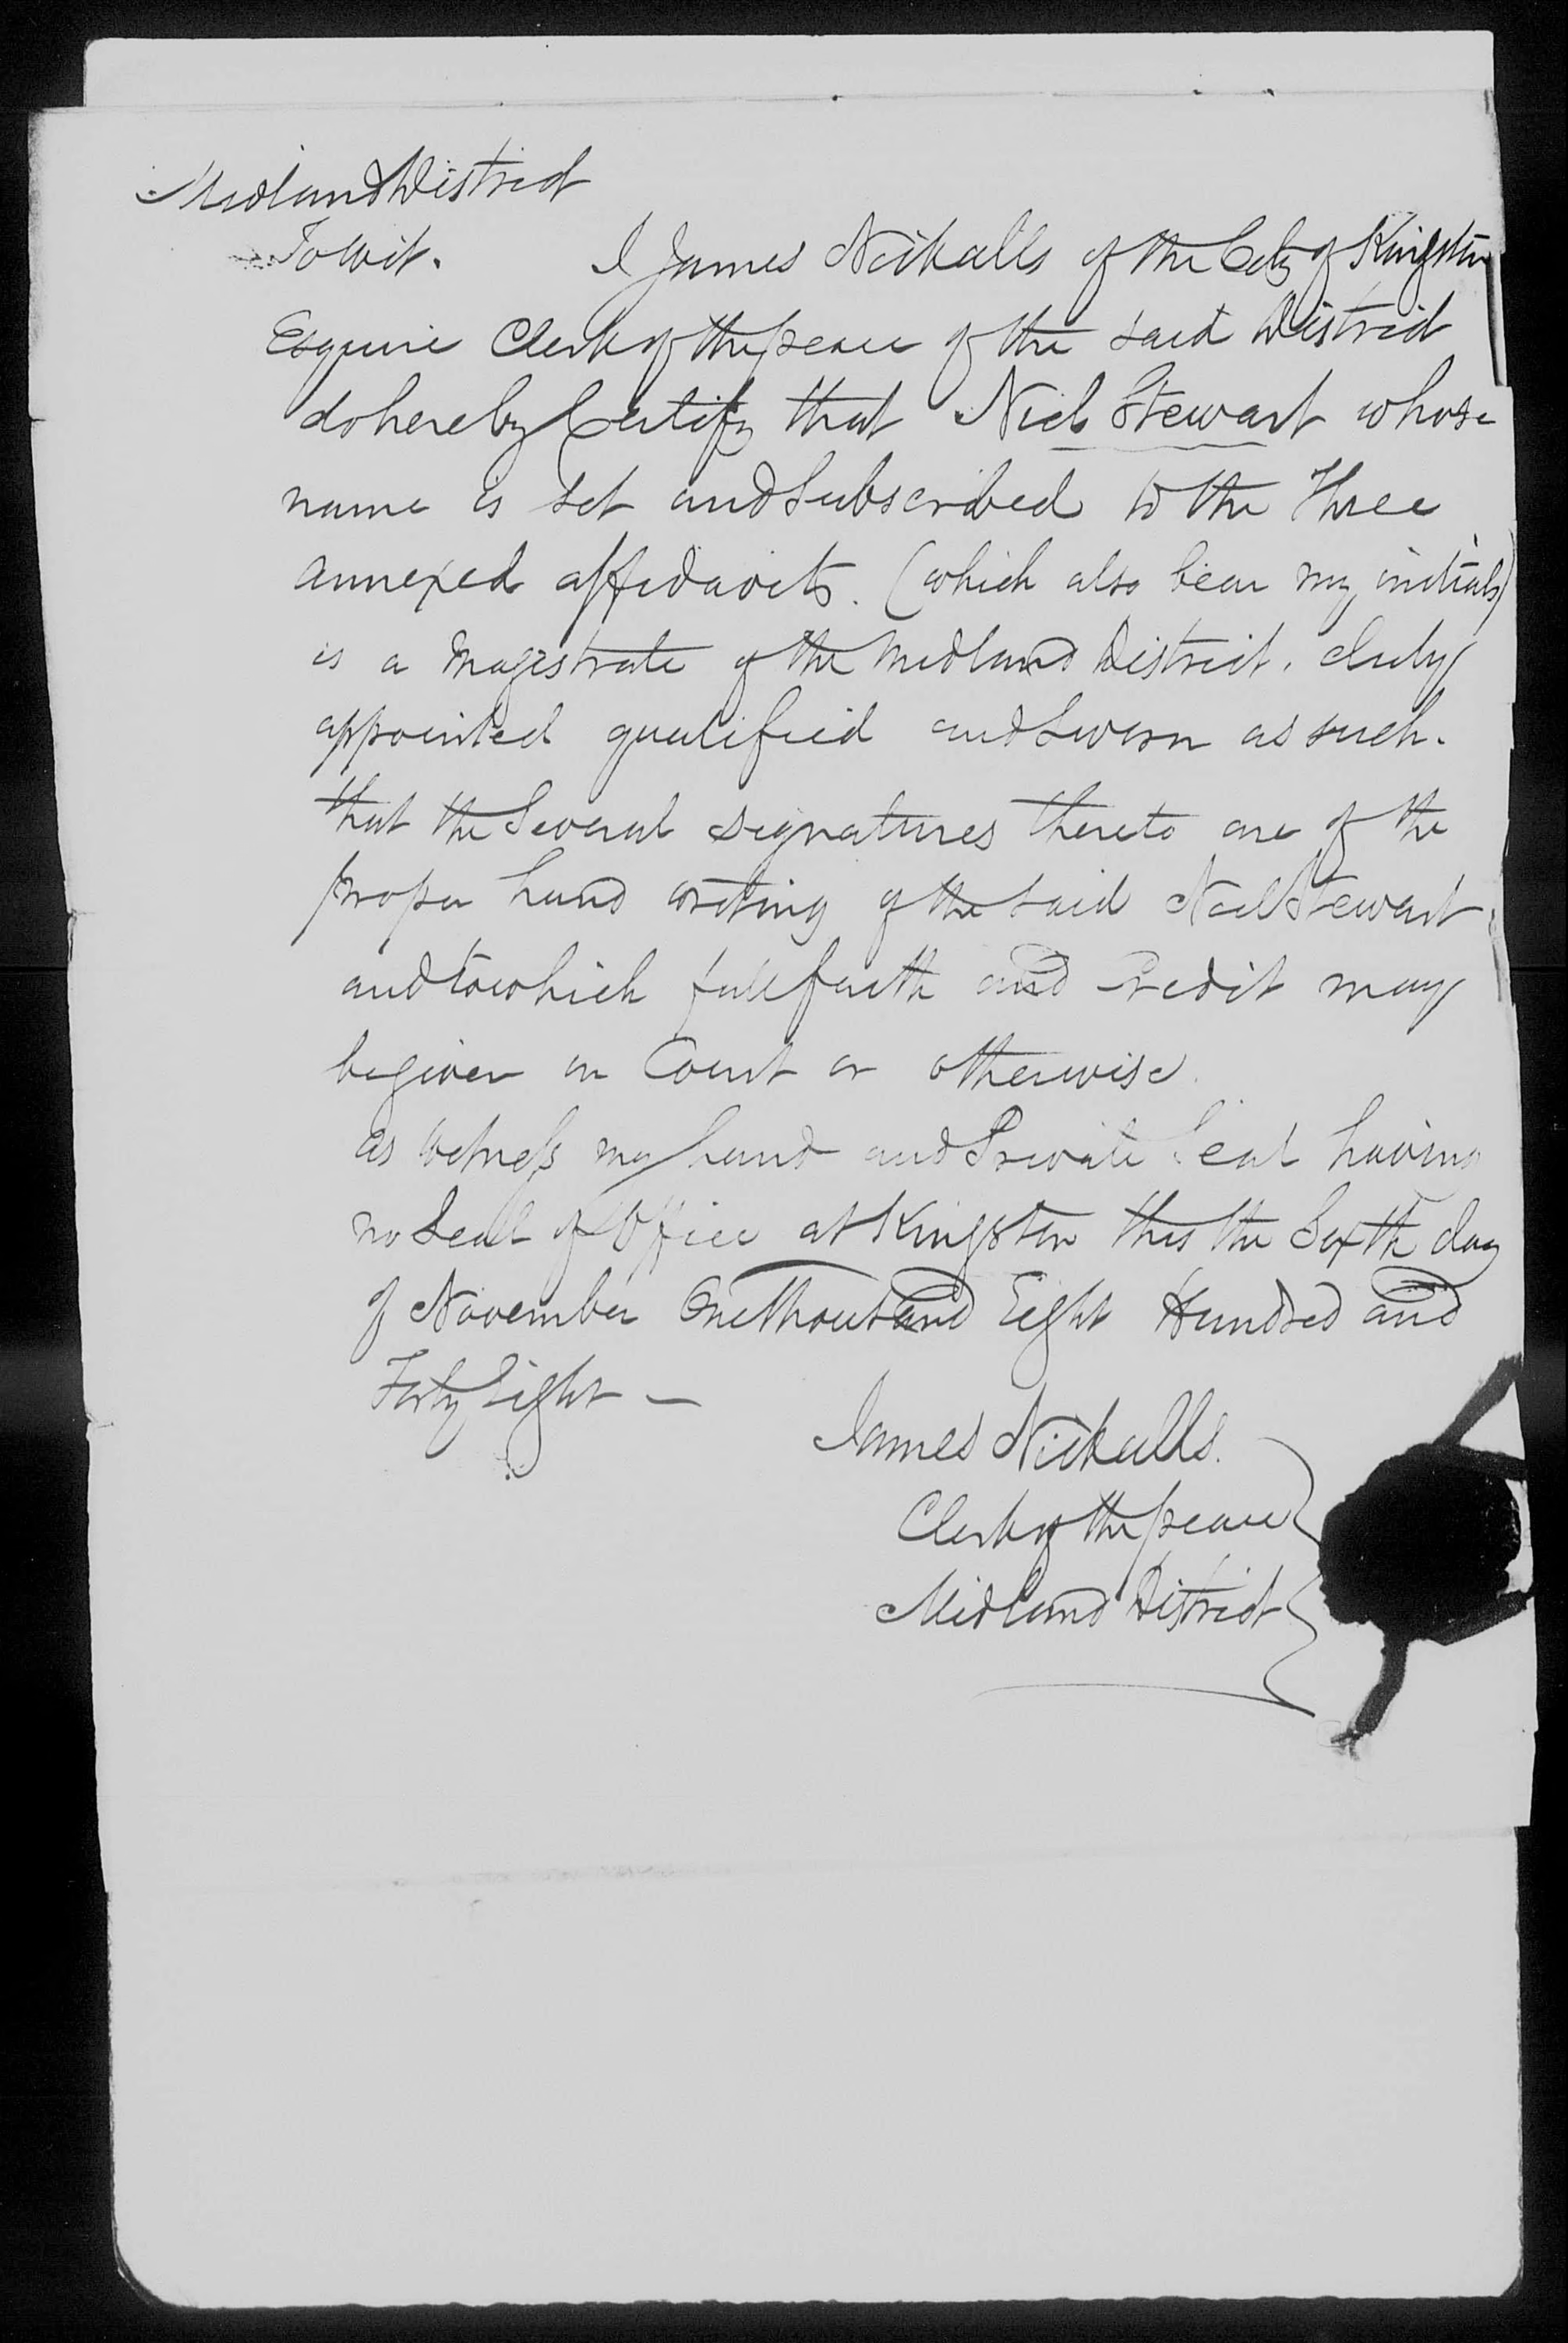Midland District
To wit. I James Nickolls of the City of Kingston Esquire Clerk of the peace of the said District do hereby Certify that Niel Stewart whose name is set and subscribed to the Three annexed affidavits (which also bear my initials) is a magistrate of the Midland District, duly appointed qualified and sworn as such. That the Several signatures thereto are of the proper hand writing of the said Niel Stewart and to which full faith and Credit may be given in Court or otherwise.
as witness my hand and Private Seal having no Seal of Office at Kingston this the Sixth day of November One Thousand Eight Hundred and Forty Eight~
James Nickolls
Clerk of the peace
Midland District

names: Niel Stewart, James Nicholls, James Nicholls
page: 98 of 106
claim: survivor's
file: S 23,116., Joshua Benedict, Conn.